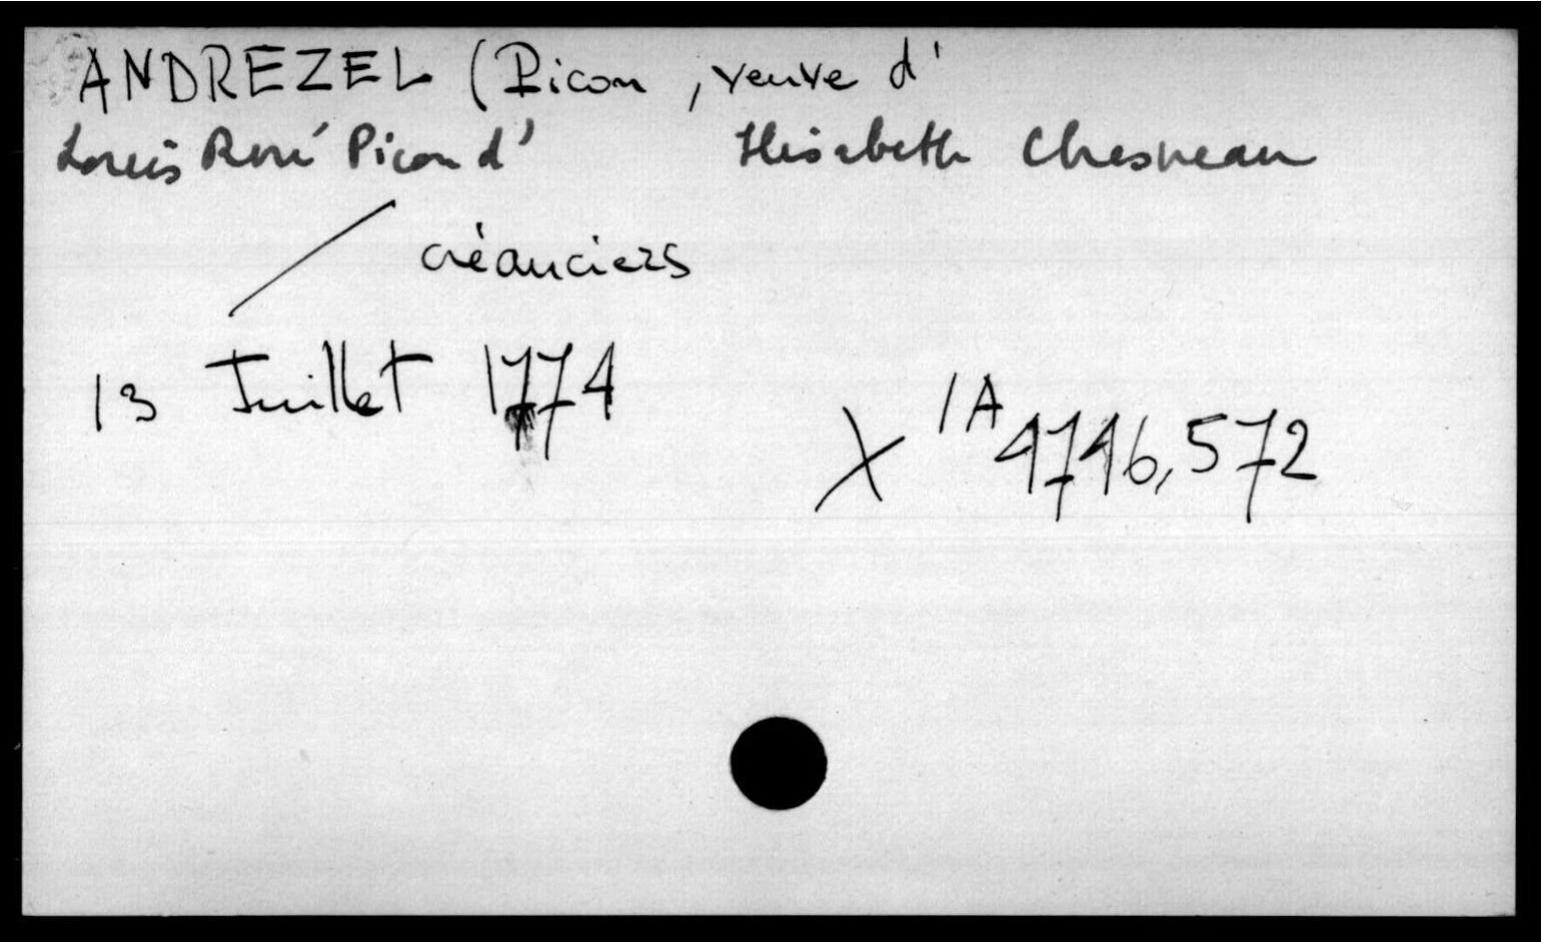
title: ANDREZEL Louis René Picon d' (Picon, veuve d'Elisabette Chesneau
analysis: Contre créanciers
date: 13 juillet 1774
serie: X1A
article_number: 4746
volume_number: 572
